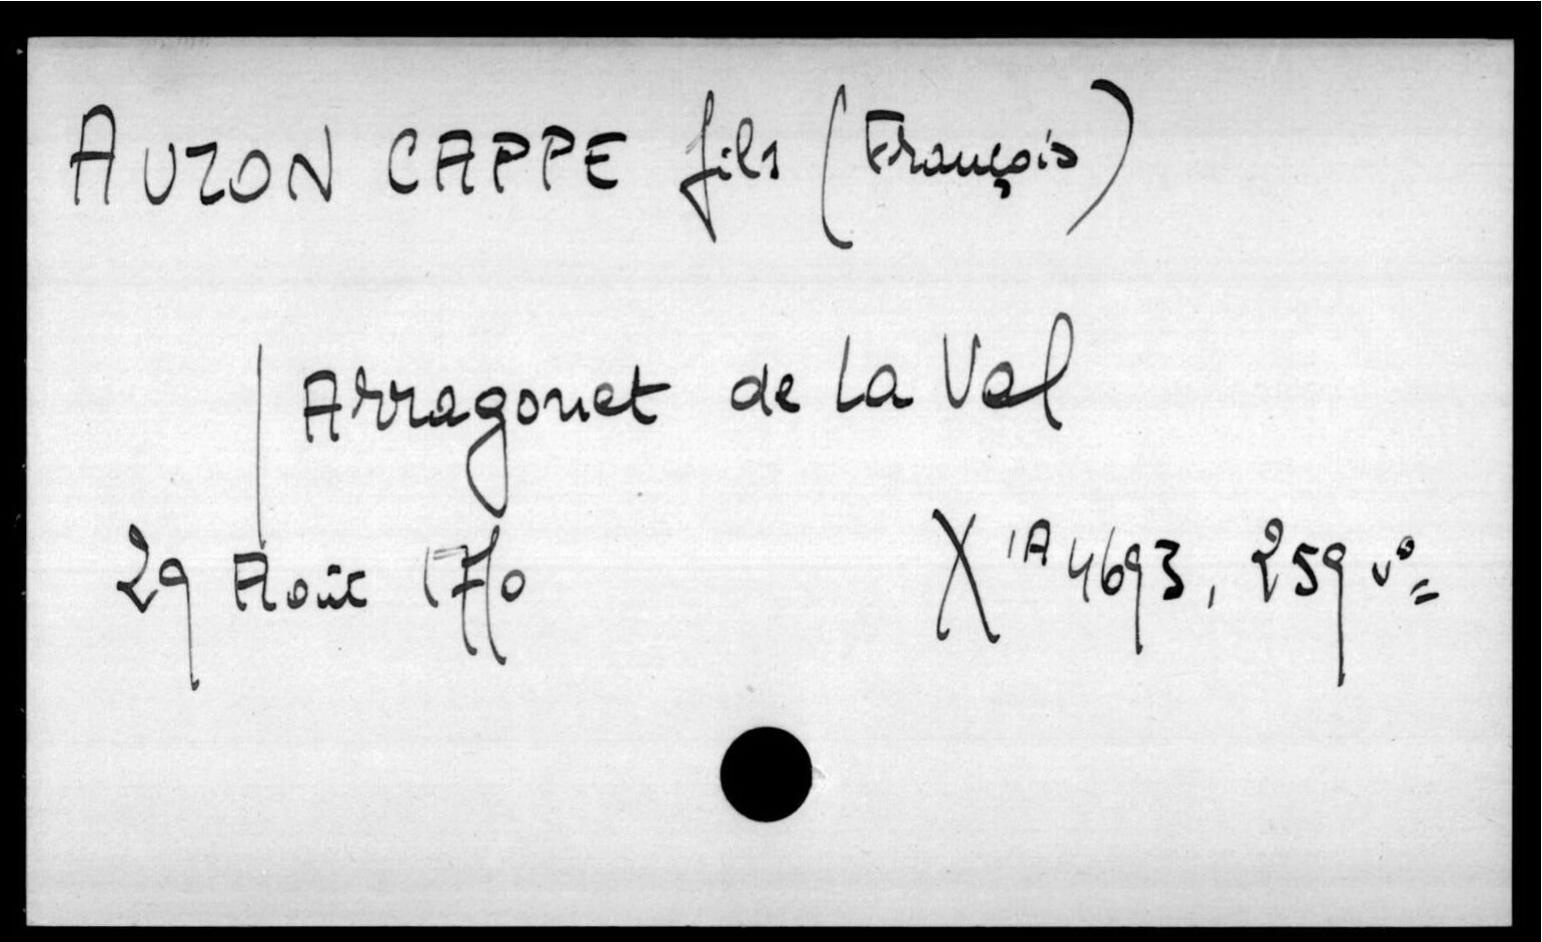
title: AUZON CAPPE fils (François)
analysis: Contre Arragonet de La vel
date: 29 août 1770
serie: X1A
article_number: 4693
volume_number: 259v
